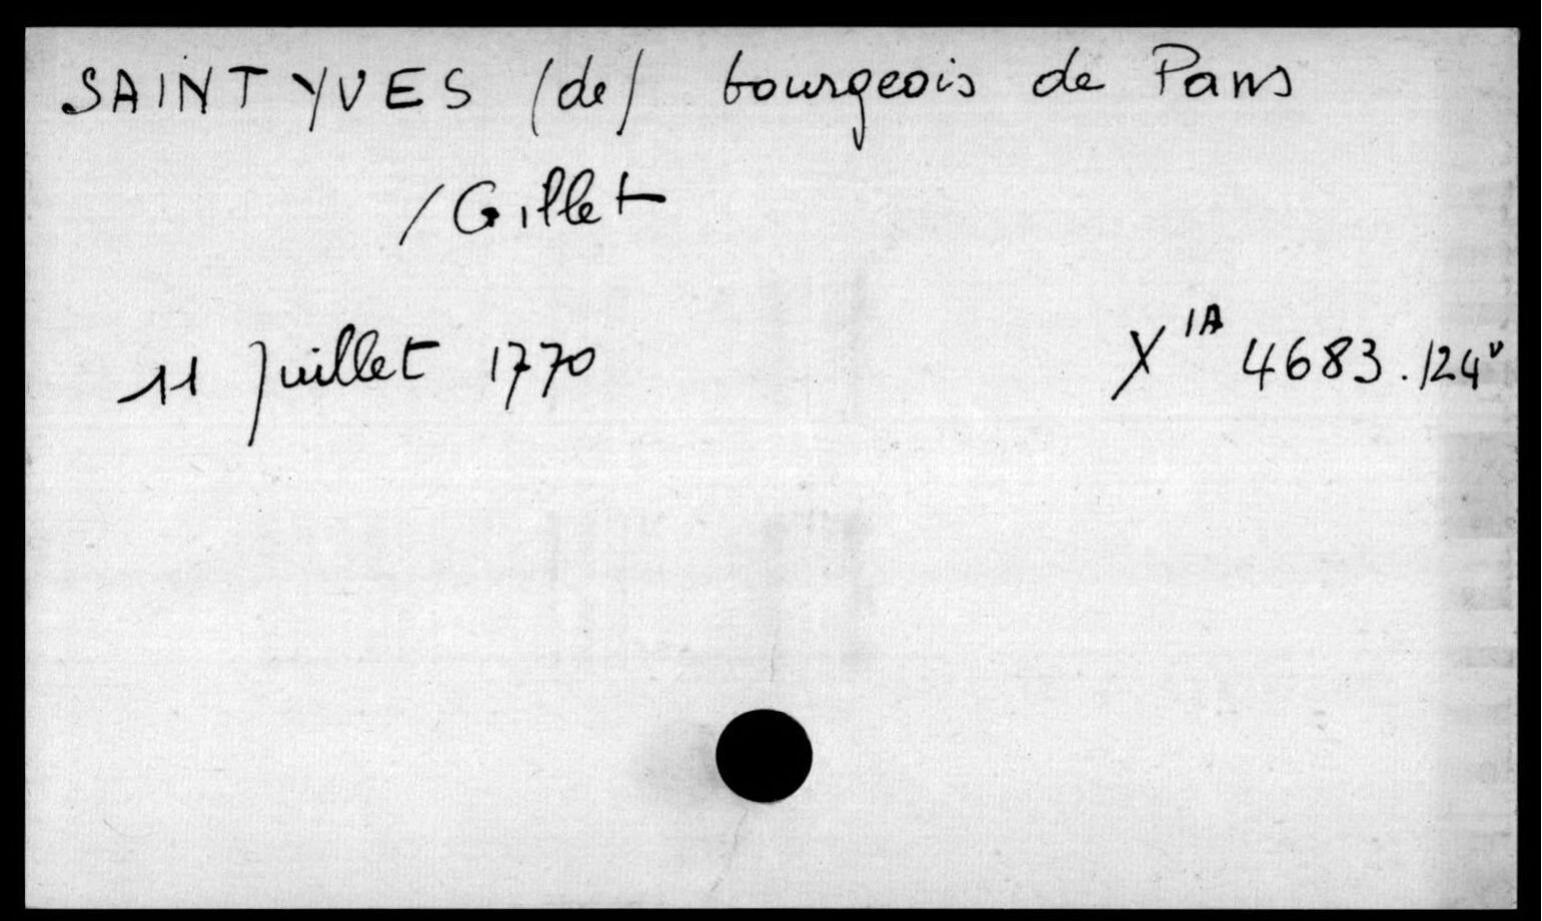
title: SAINT YVES (de) bourgeois de Paris
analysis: Contre Gillet
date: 11 juillet 1770
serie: X1A
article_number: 4683
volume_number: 124v
